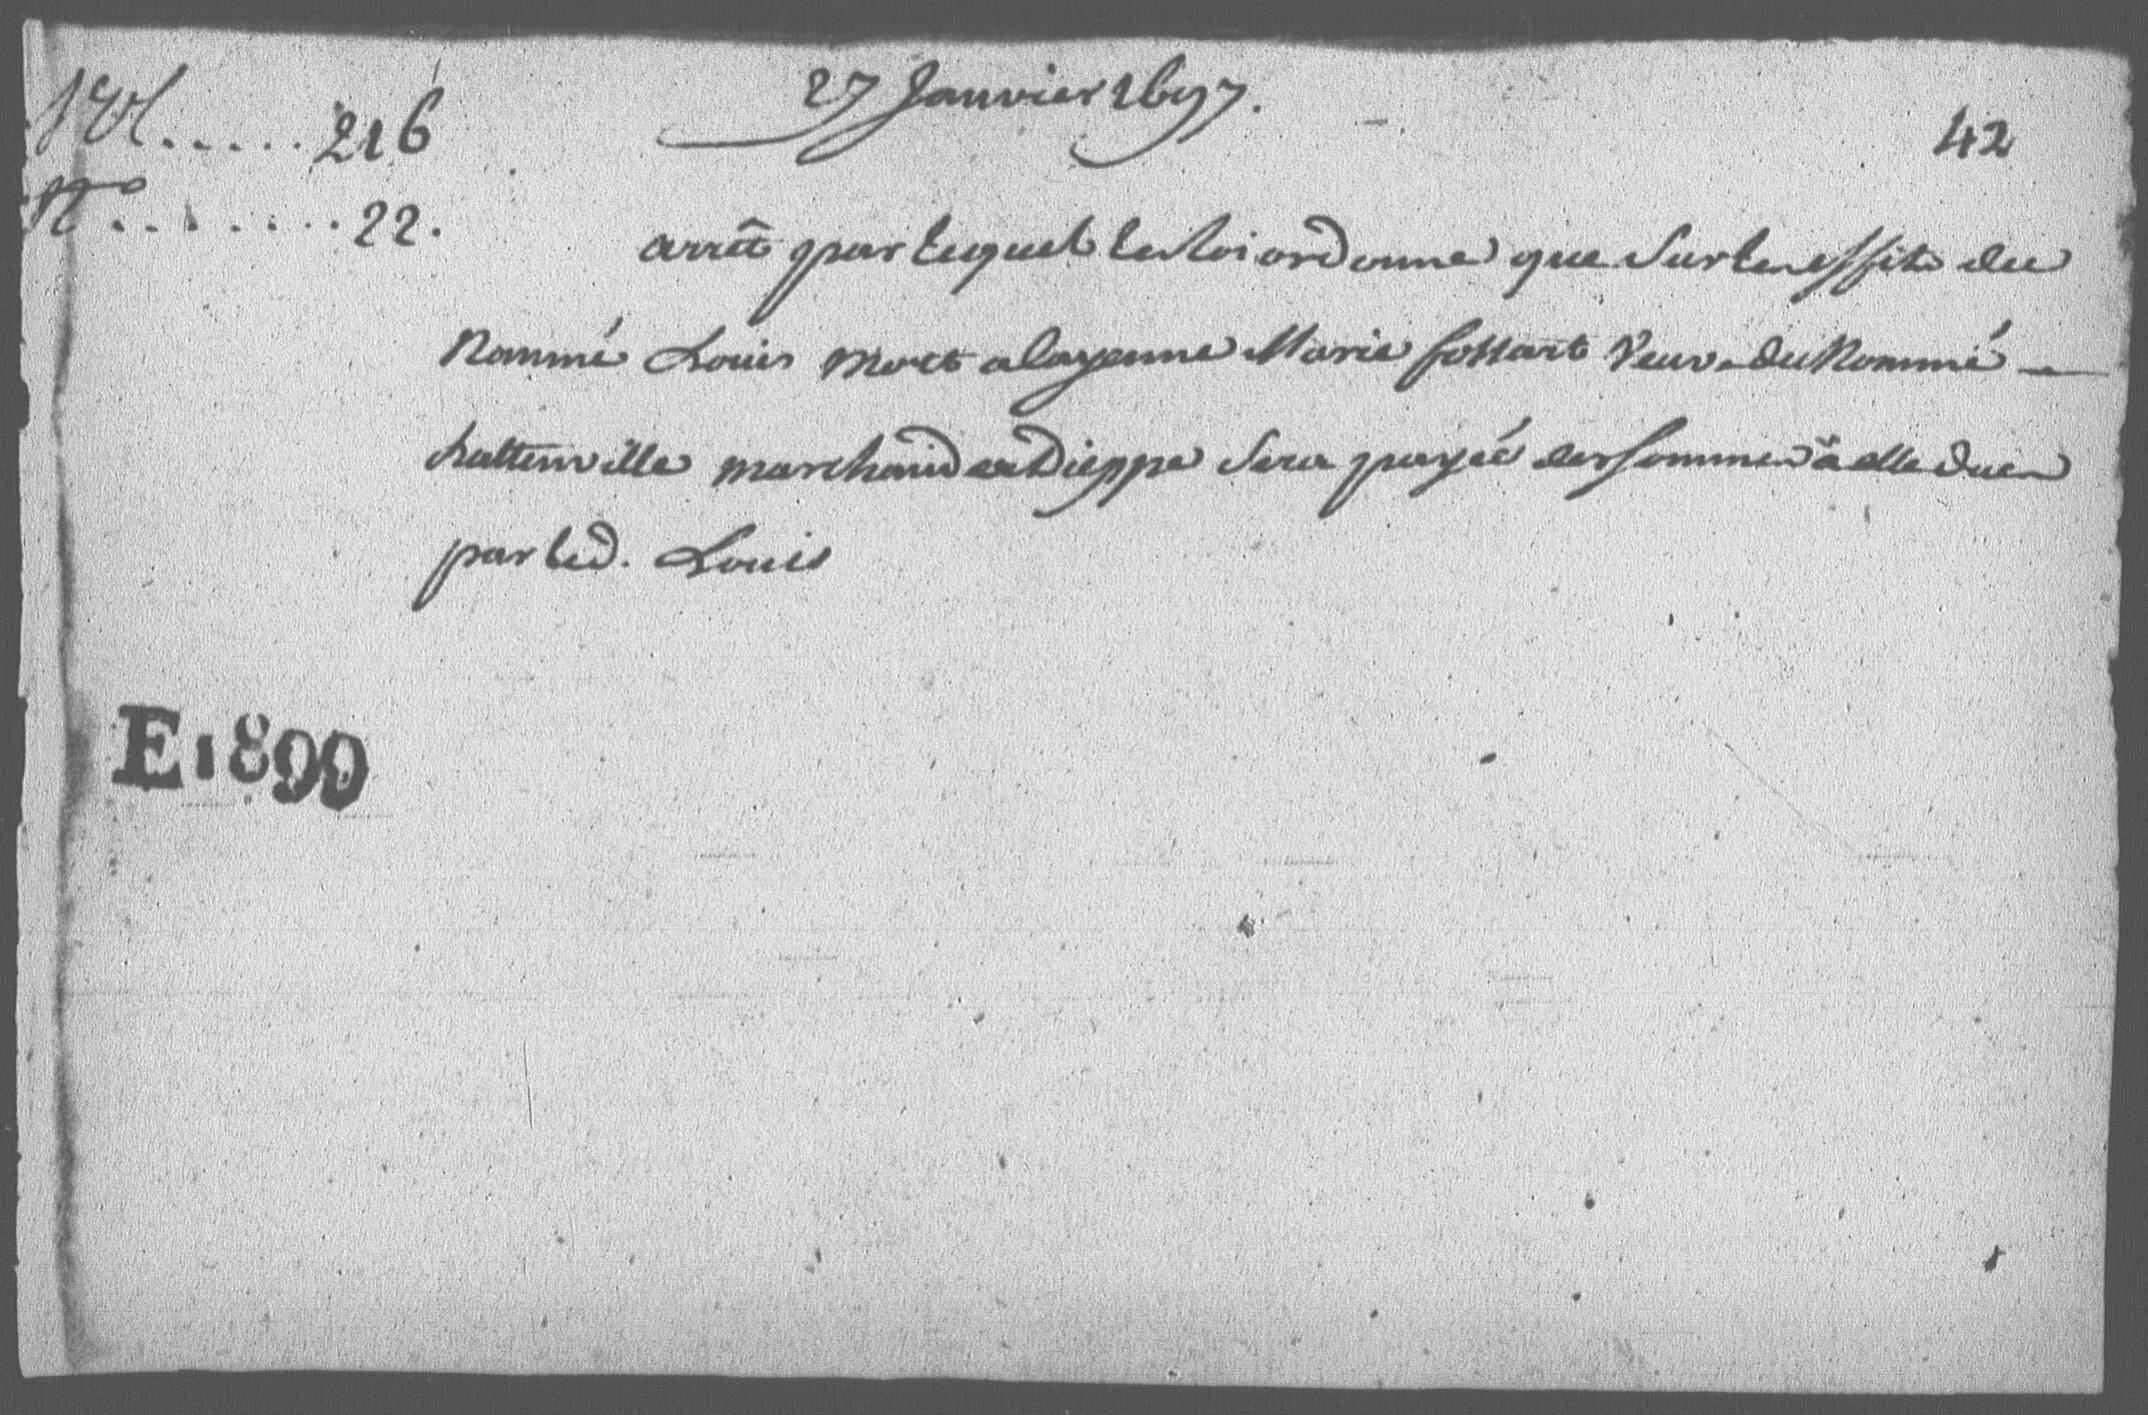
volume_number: n°22
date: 27 janvier 1697
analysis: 42
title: arrêt par lequel le Roi ordonne que sur les effets du nommé Louis mort a Cayenne Marie fossart veuve du nommé hattenville marchand à Dieppe sera payée des sommes à elle dues par led. Louis
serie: E
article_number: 1899
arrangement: vol. 216
